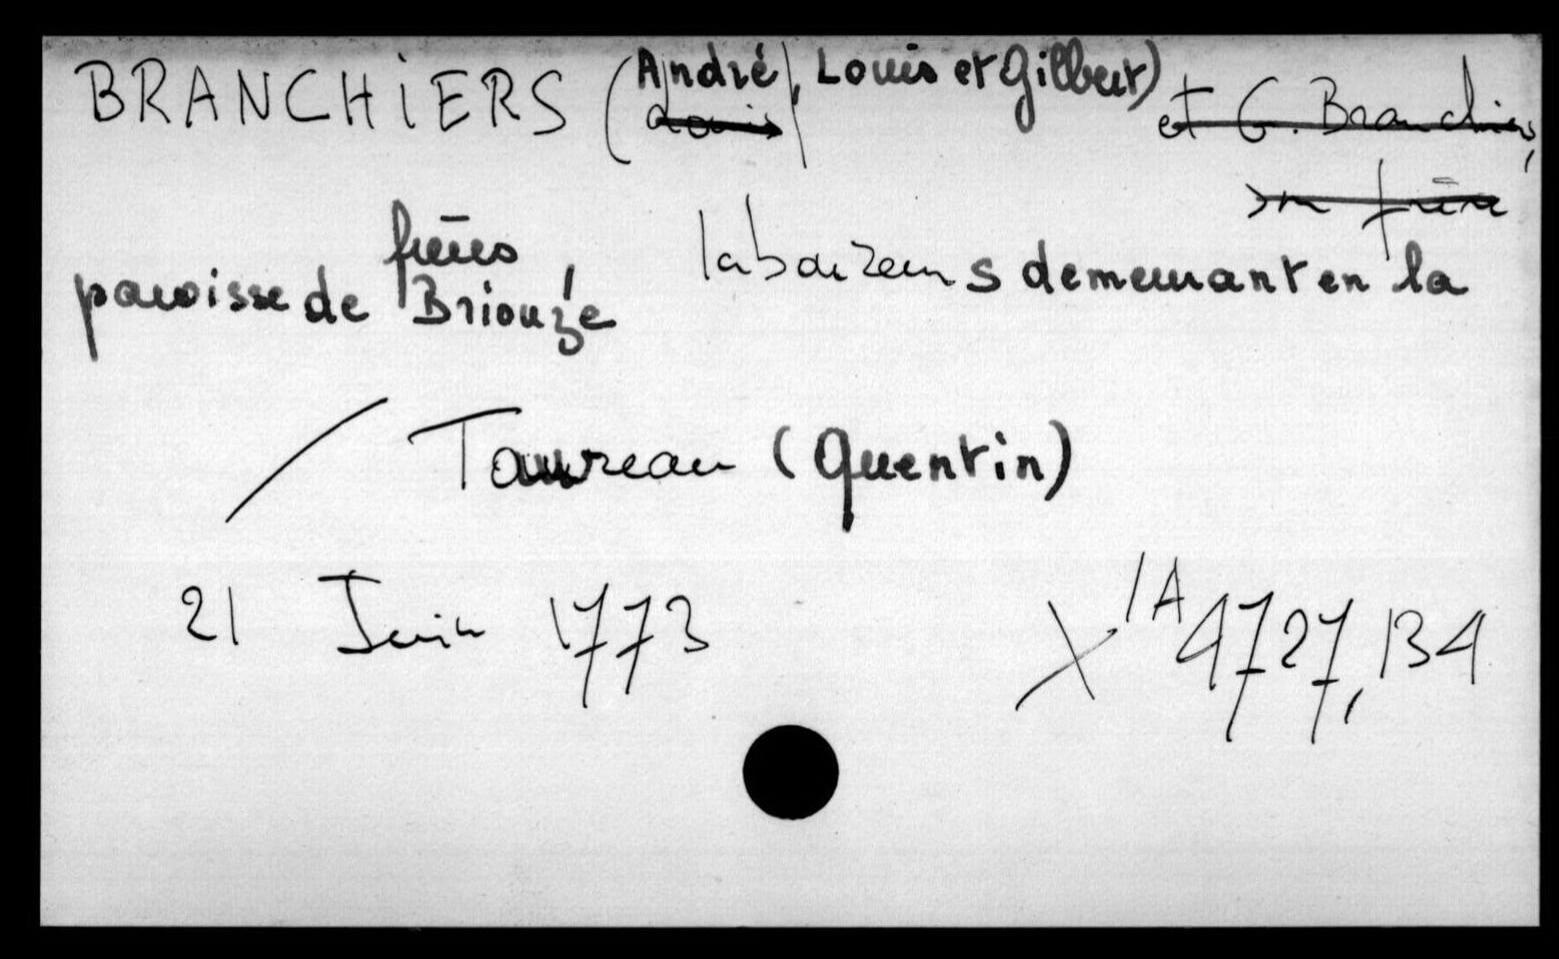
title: BRANCHIERS (André, Louis et Gilbert) frères laboureurs demeurant en laparoisse de Briouzé
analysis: Contre Taureau (Quentin)
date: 21 juin 1773
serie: X1A
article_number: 4727
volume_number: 134
